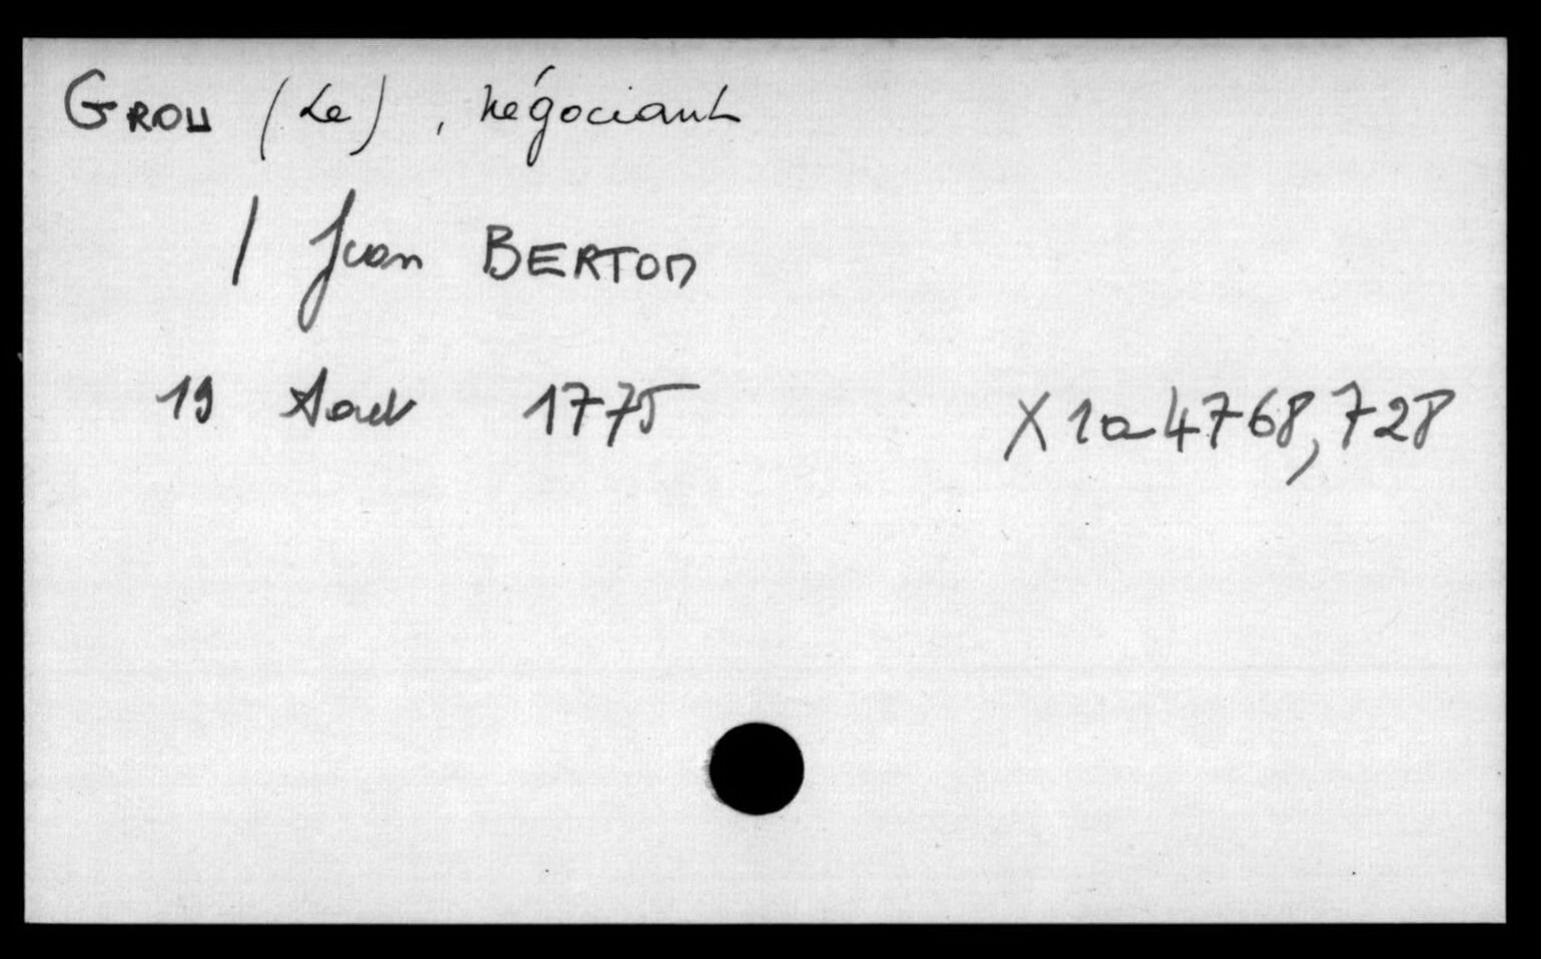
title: GROU (Le), négociant
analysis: Contre Jean BERTON
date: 19 août 1775
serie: X1a
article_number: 4768
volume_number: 728
